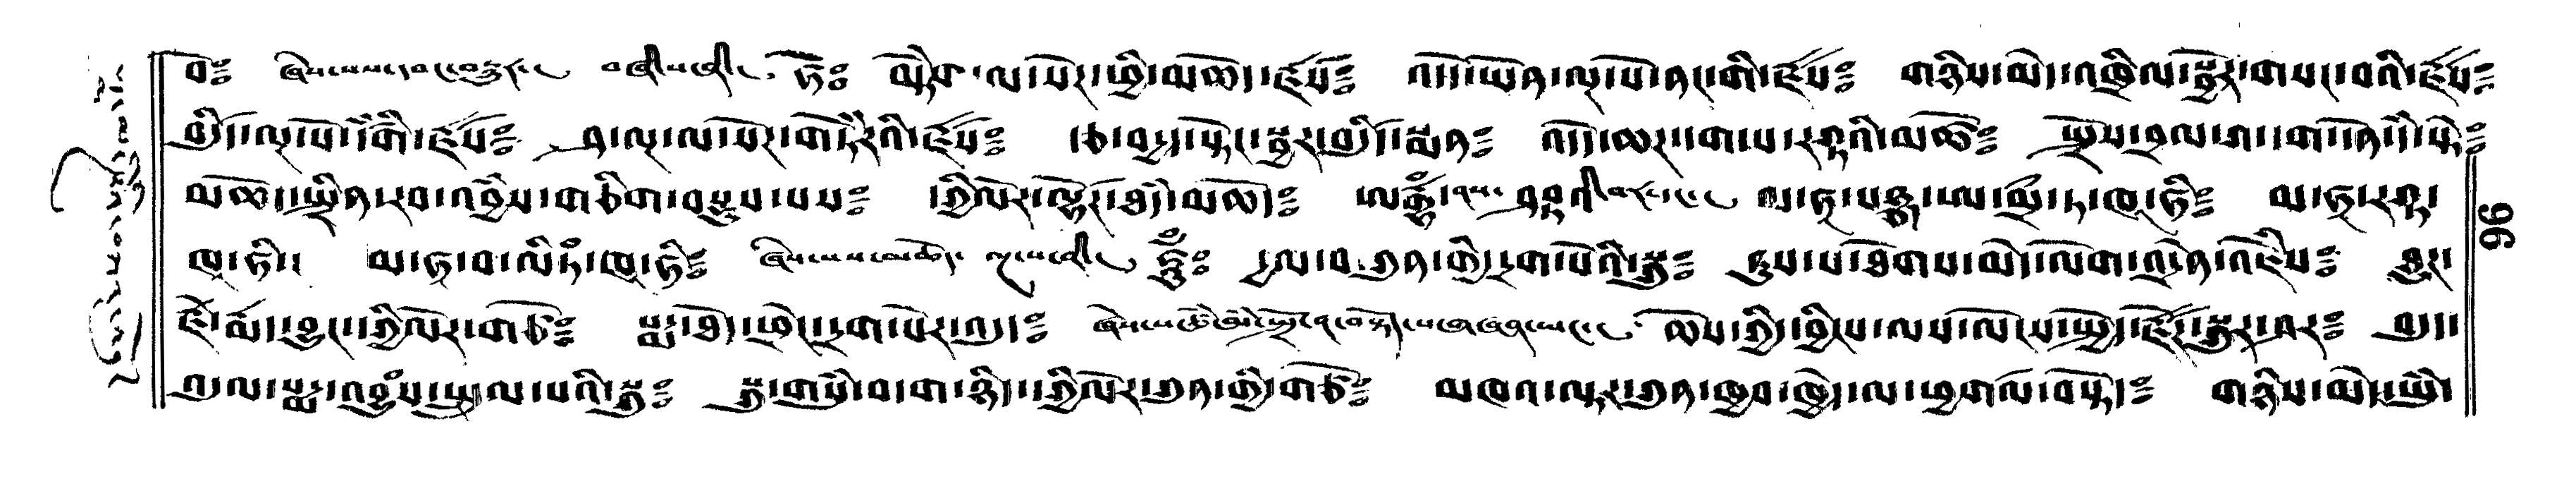པོ༔ ཞེས་པས་དབང་བསྐུར། བཞི་པ་ནི། ཧོ༔ མེ་ཏོག་ལ་སོགས་ཕྱི་མཆོད་རྫས༔ འདོད་ཡོན་ལྔ་པོ་ནང་གི་རྫས༔གཉིས་མེད་འཁྲིལ་སྦྱོར་གསང་བའི་རྫས༔ 
བདུད་རྩི་ལྔ་པོ་དམ་ཚིག་རྫས༔ ཤ་ལྔ་ལ་སོགས་གཏོར་མའི་རྫས༔ རྩ་བརྒྱད་སྟོང་སྦྱར་བདུད་རྩི་སྨན༔ འདོད་ཆགས་དག་པ་རཀྟའི་མཚོ༔ སྤྲོས་བྲལ་ཀ་དག་དོན་དམ་སྟེ༔ 
མཆོད་སྤྲིན་རབ་འབྱམས་གཅིག་བསྡུས་པས༔ དཀྱིལ་འཁོར་ལྷ་ཚོགས་ཐམས་ཅད་མཆོད༔ ཨརྒྷཾ་ནས་ཤབྟའི་བར་དང་། མ་ཧཱ་པཉྩ་ཨ་མྲྀ་ཏ་ཁཱ་ཧི༔ མ་ཧཱ་རཀྟ་
ཁཱ་ཧི༔ མ་ཧཱ་བ་ལིཏཾ་ཁཱ་ཧི༔ ཞེས་པས་མཆོད། ལྔ་པ་ནི། ཧཱུྃ༔ རྒྱལ་བ་ཀུན་གྱི་དྲག་པོའི་སྐུ༔ ནུས་པ་ཐོགས་མེད་ལོག་འདྲེན་འཛོམས༔ ཐུགས་
རྗེ་རྨད་བྱུང་དཀྱིལ་འཁོར་གཙོ༔ པདྨ་ཐོད་ཕྲེང་དྲག་པོར་འདུད༔ ཞེས་པ་ཙམ་མམ་སྤྲོ་ན་བསྟོད་པ་གཞན་ཡང་། ཆོས་ཀྱི་དབྱིངས་ལས་ལོངས་སྤྱོད་རྫོགས་སྐུར་ཤར༔ བདུད་
འདུལ་པདྨ་འབྱུང་གནས་སྤྲུལ་པའི་སྐུ༔ སྐུ་གསུམ་བདག་ཉིད་དཀྱིལ་འཁོར་ཀུན་གྱི་གཙོ༔ མཁའ་ལྟར་ཀུན་ཁྱབ་ཁྱེད་ལ་ཕྱག་འཚལ་བསྟོད༔ གཉིས་མེད་ཡུམ་